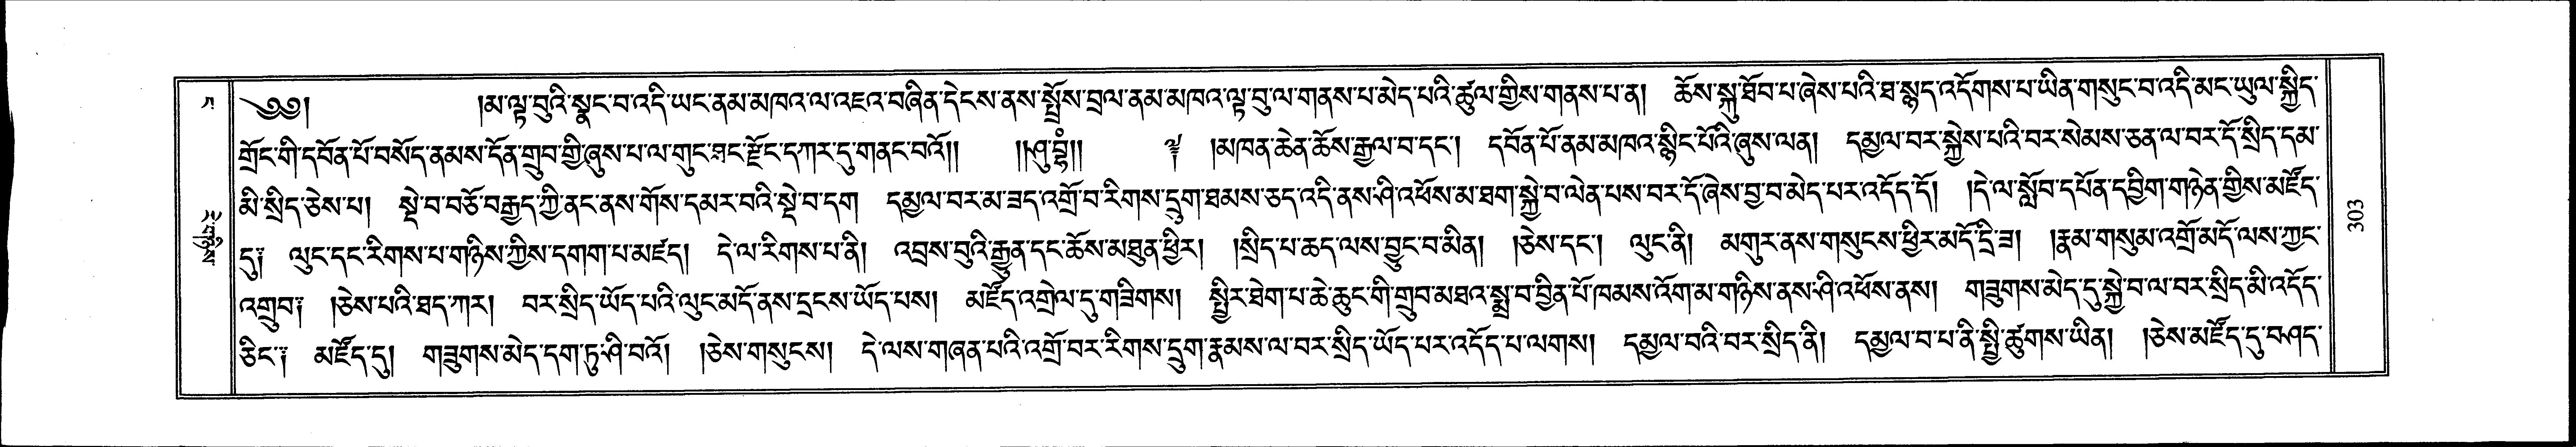༄༅། །མ་ལྟ་བུའི་སྣང་བ་འདི་ཡང་ནམ་མཁའ་ལ་འཇའ་བཞིན་དེངས་ནས་སྤྲོས་བྲལ་ནམ་མཁའ་ལྟ་བུ་ལ་གནས་པ་མེད་པའི་ཚུལ་གྱིས་གནས་པ་ན། ཆོས་སྐུ་ཐོབ་པ་ཞེས་པའི་ཐ་སྙད་འདོགས་པ་ཡིན་གསུང་བ་འདི་མང་ཡུལ་སྐྱིད་
གྲོང་གི་དབོན་པོ་བསོད་ནམས་དོན་གྲུབ་གྱི་ཞུས་པ་ལ་གུང་ཐང་རྫོང་དཀར་དུ་གནང་བའོ།། །།ཤུ་བྷཾ།། ༈ །མཁན་ཆེན་ཆོས་རྒྱལ་བ་དང་། དབོན་པོ་ནམ་མཁའ་སྙིང་པོའི་ཞུས་ལན། དམྱལ་བར་སྐྱེས་པའི་བར་སེམས་ཅན་ལ་བར་དོ་སྲིད་དམ་
མི་སྲིད་ཅེས་པ། སྡེ་བ་བཅོ་བརྒྱད་ཀྱི་ནང་ནས་གོས་དམར་བའི་སྡེ་བ་དག །དམྱལ་བར་མ་ཟད་འགྲོ་བ་རིགས་དྲུག་ཐམས་ཅད་འདི་ནས་ཤི་འཕོས་མ་ཐག་སྐྱེ་བ་ལེན་པས་བར་དོ་ཞེས་བྱ་བ་མེད་པར་འདོད་དོ། །དེ་ལ་སློབ་དཔོན་དབྱིག་གཉེན་གྱིས་མཛོད་
དུ། ལུང་དང་རིགས་པ་གཉིས་ཀྱིས་དགག་པ་མཛད། དེ་ལ་རིགས་པ་ནི། འབྲས་བུའི་རྒྱུན་དང་ཆོས་མཐུན་ཕྱིར། །སྲིད་པ་ཆད་ལས་བྱུང་བ་མིན། །ཅེས་དང་། ལུང་ནི། མགུར་ནས་གསུངས་ཕྱིར་མདོ་དྲི་ཟ། །རྣམ་གསུམ་འགྲོ་མདོ་ལས་ཀྱང་
འགྲུབ། །ཅེས་པའི་ཐད་ཀར། བར་སྲིད་ཡོད་པའི་ལུང་མདོ་ནས་དྲངས་ཡོད་པས། མཛོད་འགྲེལ་དུ་གཟིགས། སྤྱིར་ཐེག་པ་ཆེ་ཆུང་གི་གྲུབ་མཐའ་སྨྲ་བའི་བྱིན་པོ་ཁམས་འོག་མ་གཉིས་ནས་ཤི་འཕོས་ནས། གཟུགས་མེད་དུ་སྐྱེ་བ་ལ་བར་སྲིད་མི་འདོད་
ཅིང་། མཛོད་དུ། གཟུགས་མེད་དག་ཏུ་ཤི་བའོ། །ཅེས་གསུངས། དེ་ལས་གཞན་པའི་འགྲོ་བར་རིགས་དྲུག་རྣམས་ལ་བར་སྲིད་ཡོད་པར་འདོད་པ་ལགས། དམྱལ་བའི་བར་སྲིད་ནི། དམྱལ་བ་པ་ནི་སྤྱི་ཚུགས་ཡིན། །ཅེས་མཛོད་དུ་བཤད་